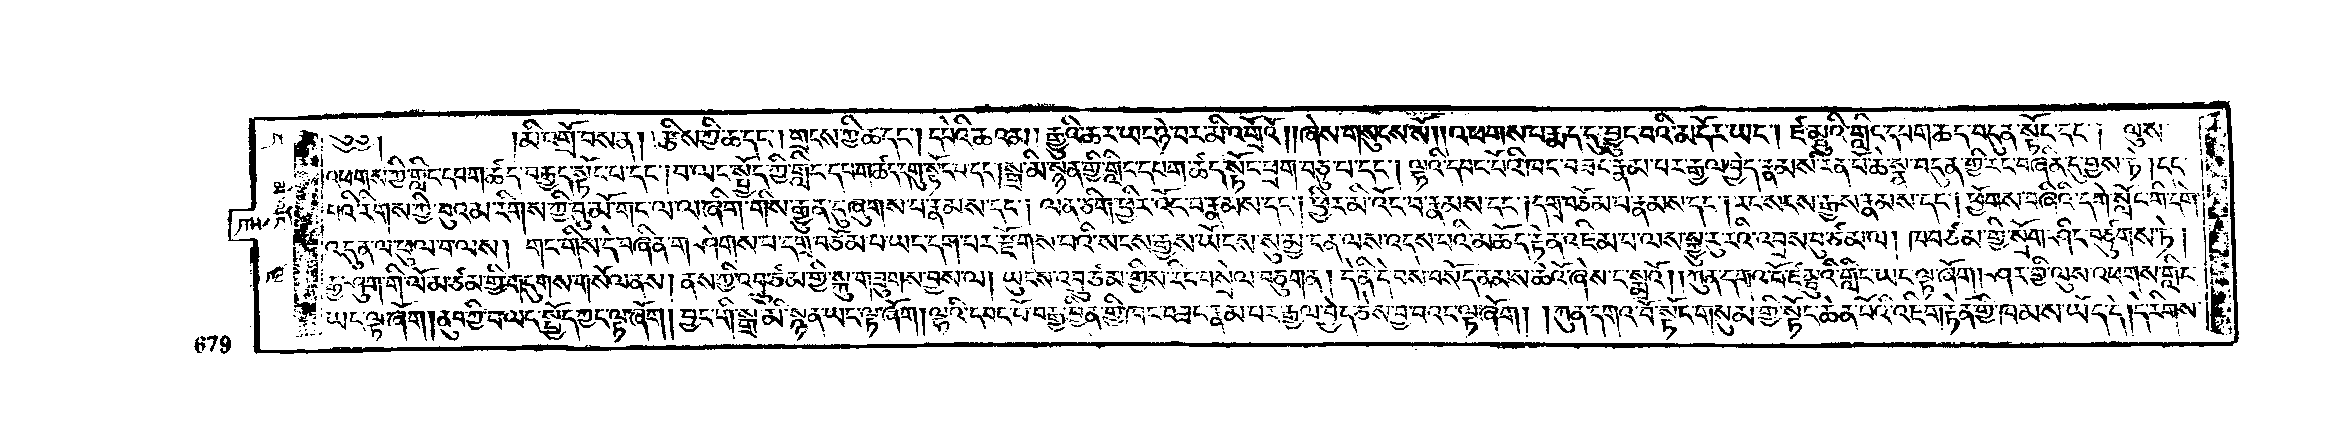༄༅། །མི་འགྲོ་བས་ན། །རྩིས་ཀྱི་ཆ་དང་། གྲངས་ཀྱི་ཆ་དང་། དཔེའི་ཆའམ། རྒྱུའི་ཆར་ཡང་ཉེ་བར་མི་འགྲོའོ། །ཞེས་གསུངས་སོ། །འཕགས་པ་རྨད་དུ་བྱུང་བའི་མདོར་ཡང་། ཛམྦུའི་གླིང་དཔག་ཆད་བདུན་སྟོང་དང་། ལུས་
འཕགས་ཀྱི་གླིང་དཔག་ཚད་བརྒྱད་སྟོང་པ་དང་། བ་ལང་སྤྱོད་ཀྱི་གླིང་དཔག་ཚད་དགུ་སྟོང་པ་དང་། སྒྲ་མི་སྙན་གྱི་གླིང་དཔག་ཚད་སྟོང་ཕྲག་བཅུ་པ་དང་། ལྷའི་དབང་པོའི་ཁང་བཟང་རྣམ་པར་རྒྱལ་བྱེད་རྣམས་རིན་པོ་ཆེ་སྣ་བདུན་གྱི་རང་བཞིན་དུ་བྱས་ཏེ། དང་
པའི་རིགས་ཀྱི་བུའམ་རིགས་ཀྱི་བུ་མོ་གང་ལ་ལ་ཞིག་གིས་རྒྱུན་དུ་ཞུགས་པ་རྣམས་དང་། ལན་ཅིག་ཕྱིར་འོང་བ་རྣམས་དང་། ཕྱིར་མི་འོང་བ་རྣམས་དང་། དགྲ་བཅོམ་པ་རྣམས་དང་། རང་སངས་རྒྱས་རྣམས་དང་། ཕྱོགས་བཞིའི་དགེ་སློང་གི་དགེ་
འདུན་ལ་ཕུལ་བ་ལས། གང་གིས་དེ་བཞིན་གཤེགས་པ་དགྲ་བཅོམ་པ་ཡང་དག་པར་རྫོགས་པའི་སངས་རྒྱས་ཡོངས་སུ་མྱ་ངན་ལས་འདས་པའི་མཆོད་རྟེན་འཇིམ་པ་ལས་སྐྱུ་རུ་རའི་འབྲས་བུ་ཙམ་ལ། ཁབ་ཙམ་གྱི་སྲོག་ཤིང་བཙུགས་ཏེ།
རྒྱ་ཤུག་གི་ལོ་མ་ཙམ་གྱི་གདུགས་གསོལ་ནས། ནས་ཀྱི་འབྲུ་ཙམ་གྱི་སྐུ་གཟུགས་བྱས་ལ། ཡུངས་འབྲུ་ཙམ་གྱིས་རིང་བསྲེལ་བཅུག་ན། དེ་ནི་དེ་བས་བསོད་ནམས་ཆེའོ་ཞེས་ང་སྨྲའོ། །ཀུན་དགའ་བོ་ཛམྦུའི་གླིང་ཡང་ལྟ་ཞོག །ཤར་གྱི་ལུས་འཕགས་གླིང་
ཡང་ལྟ་ཞོག །ནུབ་ཀྱི་བ་ལང་སྤྱོད་ཀྱང་ལྟ་ཞོག །བྱང་གི་སྒྲ་མི་སྙན་ཡང་ལྟ་ཞོག །ལྷའི་དབང་པོ་བརྒྱ་བྱིན་གྱི་ཁང་བཟང་རྣམ་པར་རྒྱལ་བྱེད་ཅེས་བྱ་བའང་ལྟ་ཞོག །ཀུན་དགའ་བོ་སྟོང་གསུམ་གྱི་སྟོང་ཆེན་པོའི་འཇིག་རྟེན་གྱི་ཁམས་ཡོད་དེ། དེ་རིགས་